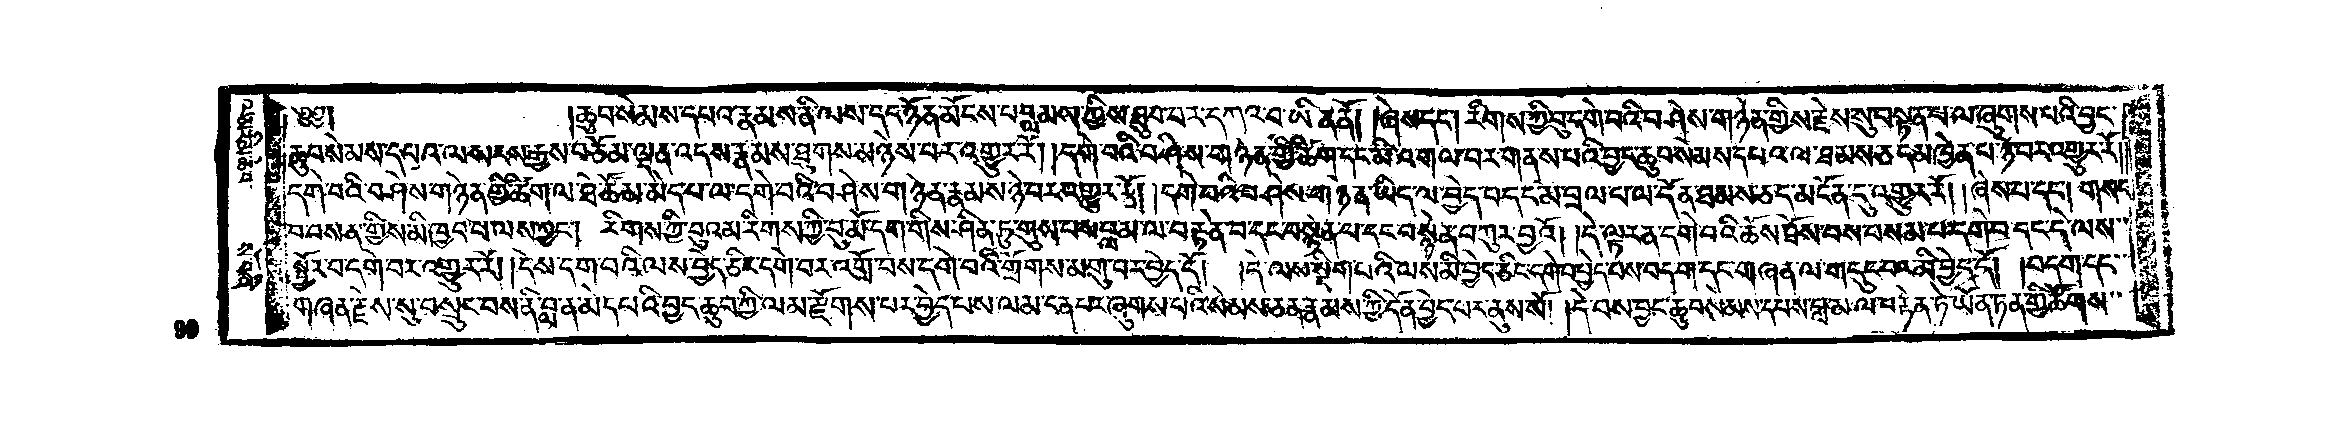༄༅། །ཆུབ་སེམས་དཔའ་རྣམས་ནི་ལས་དང་ཉོན་མོངས་པ་རྣམས་ཀྱིས་ཐུབ་པར་དཀའ་བ་ཡིན་ནོ། །ཞེས་དང་། རིགས་ཀྱི་བུ་དགེ་བའི་བཤེས་གཉེན་གྱིས་རྗེས་སུ་བསྟན་པ་ལ་ཞུགས་པའི་བྱང་
ཆུབ་སེམས་དཔའ་ལ་སངས་རྒྱས་བཅོམ་ལྡན་འདས་རྣམས་ཐུགས་མཉེས་པར་འགྱུར་རོ། །དགེ་བའི་བཤེས་གཉེན་གྱི་ཚིག་དང་མི་འགལ་བར་གནས་པའི་བྱང་ཆུབ་སེམས་དཔའ་ལ་ཐམས་ཅད་མཁྱེན་པ་ཉེ་བར་འགྱུར་རོ།།
དགེ་བའི་བཤེས་གཉེན་གྱི་ཚིག་ལ་ཐེ་ཚོམ་མེད་པ་ལ་དགེ་བའི་བཤེས་གཉེན་རྣམས་ཉེ་བར་འགྱུར་རོ། །དགེ་བའི་བཤེས་གཉེན་ཡིད་ལ་བྱེད་པ་དང་མ་བྲལ་བ་ལ་དོན་ཐམས་ཅད་མངོན་དུ་འགྱུར་རོ། །ཞེས་པ་དང་། གསང་
བ་བསམ་གྱིས་མི་ཁྱབ་པ་ལས་ཀྱང་། རིགས་ཀྱི་བུའམ་རིགས་ཀྱི་བུ་མོ་དག་གིས་ཤིན་ཏུ་གུས་པས་བླ་མ་ལ་བརྟེན་པ་དང་བསྙེན་པ་དང་བསྙེན་བཀུར་བྱའོ། །དེ་ལྟར་ན་དགེ་བའི་ཆོས་ཐོས་པས་བསམ་པ་དགེ་བ་དང་དེ་ལས་
སྦྱོར་བ་དགེ་བར་འགྱུར་རོ། །དེས་དགེ་བའི་ལས་བྱེད་ཅིང་དགེ་བར་འགྲོ་བས་དགེ་བའི་གྲོགས་མགུ་བར་བྱེད་དོ། །དེ་ལས་སྡིག་པའི་ལས་མི་བྱེད་ཅིང་དགེ་བ་བྱེད་པས་བདག་དང་གཞན་ལ་གདུང་བར་མི་བྱེད་དོ། །བདག་དང་
གཞན་རྗེས་སུ་བསྲུང་བས་ནི་བླ་ན་མེད་པའི་བྱང་ཆུབ་ཀྱི་ལམ་རྫོགས་པར་བྱེད་པས་ལམ་ངན་པར་ཞུགས་པའི་སེམས་ཅན་རྣམས་ཀྱི་དོན་བྱེད་པར་ནུས་སོ། །དེ་བས་བྱང་ཆུབ་སེམས་དཔས་བླ་མ་ལ་བརྟེན་ཏེ་ཡོན་ཏན་གྱི་ཚོགས་